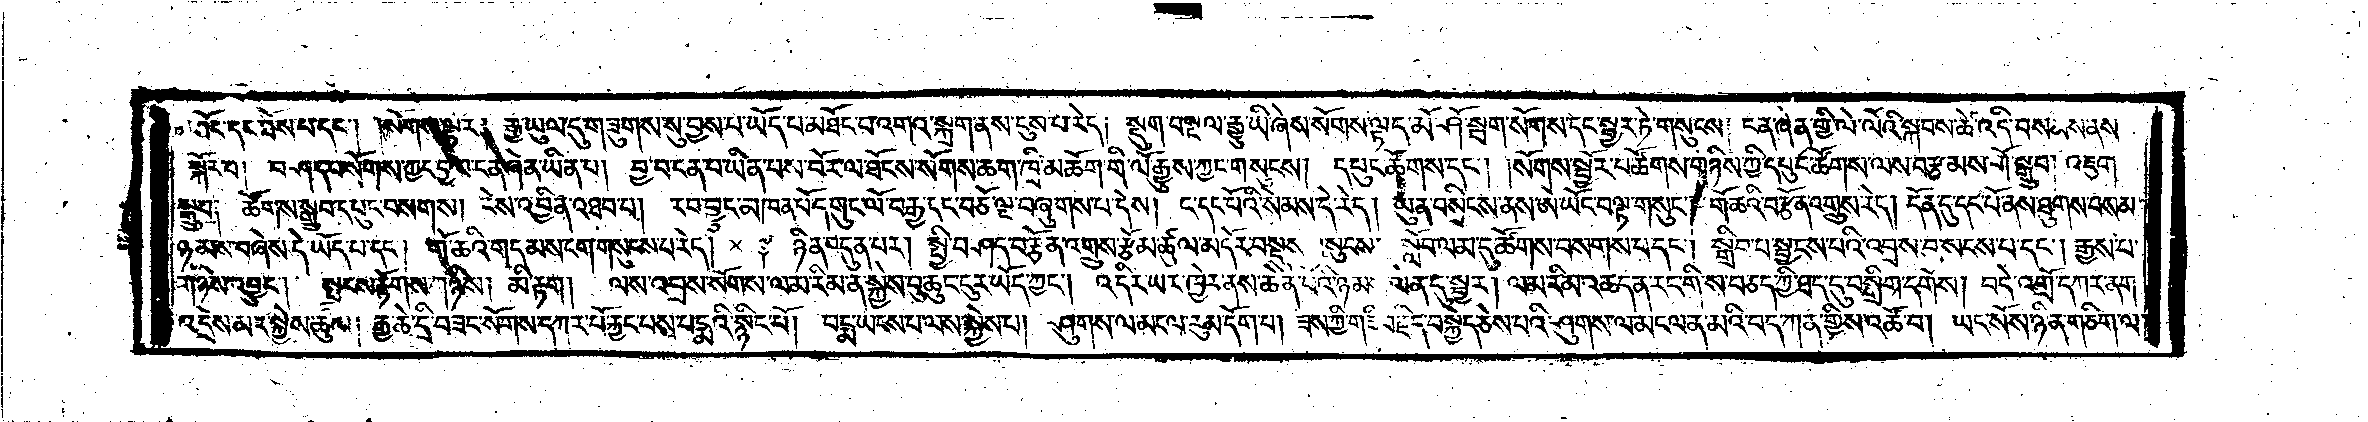མ་ཐོད་དང་ཐོས་པ་དང་། །སོགས་ལྟར། རྒྱ་ཡུལ་དུ་གཟུགས་སུ་བྱས་པ་ཡོད་པ་མཐོང་བ་འགའ་སྐྲག་ནས་ངུས་པ་རེད། སྡུག་བསྔལ་རྒྱུ་ཡི་ཞེས་སོགས་ལྟད་མོ་ཤོ་སྦག་སོགས་དང་སྦྱར་ཏེ་གསུངས། ངན་ཞེན་གྱི་ལེ་ལོའི་སྐབས་ཚེ་འདི་བསམས་ནས་
སྐོར་བ། བཤད་པ་སོགས་ཀྱང་བྱ་བ་ངན་ཞེན་ཡིན་པ། བྱ་བ་ངན་པ་ཡིན་པས་བོར་ལ་ཐོངས་སོགས་ཆག་ཁྲི་མཆོག་གི་ལོ་རྒྱུས་ཀྱང་གསུངས། དཔུང་ཚོགས་དང་། །སོགས་སྦྱོར་པ་ཚོགས་གཉིས་ཀྱི་དཔུང་ཚོགས་ལས་བརྩམས་གོ་སྒྲུབ། འཇུག་
སྒྲུབ། ཚོགས་སྒྲུབ་དཔུང་བསགས། ངེས་འབྱིན་འཐབ་པ། རབ་བྱུང་མཁན་པོ་དགུང་ལོ་བརྒྱ་དང་བཅོ་ལྔ་བཞུགས་པ་དེས། ང་དང་པོའི་སེམས་དེ་རེད། མུན་བསྲིངས་ནས་ཨེ་ཡོང་བལྟ་གསུང་། གོ་ཆའི་བརྩོན་འགྲུས་རེད། དོན་དུ་དང་པོ་ནས་ཐུགས་བསམ་
ཉམས་བཞེས་དེ་ཡོད་པ་དང་། གོ་ཆའི་གདམས་ངག་གསུངས་པ་རེད། ྾་༈ ཉིན་བདུན་པར། སྤྱི་བཤད་བརྩོན་འགྲུས་རྩོམ་ཚུལ་མདོར་བསྡུས་།སུངས་པ་སློབ་ལམ་དུ་ཚོགས་བསགས་པ་དང་། སྒྲིབ་པ་སྦྱངས་པའི་འབྲས་བུ་སངས་པ་དང་། རྒྱས་པ་
གཉེས་འབྱུང་། སྤངས་རྟོགས་གཉིས། མི་རྟག། ལས་འབྲས་སོགས་ལམ་རིམ་ན་སྐྱེས་བུ་ཆུང་ངུར་ཡོད་ཀྱང་། འདིར་ཡར་ཁྱེར་ནས་ཆེན་པོའི་ཉམས་ལེན་དུ་སྦྱར། ལམ་རིམ་འཆད་ན་རང་གི་ས་བཅད་ཀྱི་ཐད་དུ་བསྒྲིག་དགོས། བདེ་འགྲོ་དཀར་ནག་
འདྲེས་མར་སྐྱེས་ཚུལ། རྒྱ་ཆེ་དྲི་བཟང་སོགས་དཀར་པོ་རྐྱང་པས་པདམའི་སྙིང་པོ། པདམ་ཡངས་པ་ལས་སྐྱེས་པ། ཤུགས་ལ་མངལ་རུམ་དོག་པ། ཟས་ཀྱི་གཟི་བརྗིད་བསྐྱེད་ཅེས་པའི་ཤུགས་ལ་མངལ་ན་མའི་བད་ཀན་གྱིས་འཚོ་བ། ཡང་སོས་ཉིན་གཅིག་ལ་